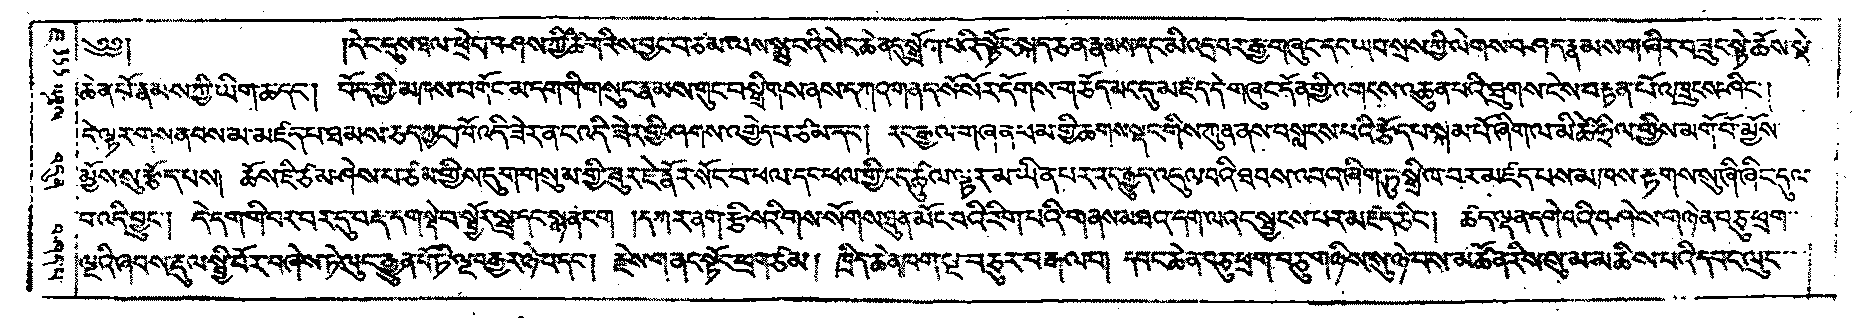༄༅། །དེང་དུས་ཐལ་ཕྲེང་ཁ་ཤས་ཀྱི་ཚིག་རིས་བྱང་བ་ཙམ་ལས་སྨྲ་བའི་སེང་ཆེན་དུ་སྒྲོག་པའི་སྟོང་སྐད་ཅན་རྣམས་དང་མི་འདྲ་བར་རྒྱ་གཞུང་དང་ཡབ་སྲས་ཀྱི་ལེགས་བཤད་རྣམས་གཞིར་བཟུང་སྟེ་ཆོས་སྡེ་
ཆེན་པོ་རྣམས་ཀྱི་ཡིག་ཆ་དང་། བོད་ཀྱི་མཁས་པ་གོང་མ་དག་གི་གསུང་རྣམས་གུང་བསྒྲིགས་ནས་དཀའ་གནད་སོ་སོར་དོགས་གཅོད་མང་དུ་མཛད་དེ་གཞུང་དོན་གྱི་འགངས་འཆུན་པའི་ཐུགས་ངེས་བརྟན་པོ་འཁྲུངས་ཤིང་།
དེ་ལྟར་གསན་བསམ་མཛད་པ་ཐམས་ཅད་ཀྱང་ཁོ་འདི་ཟེར་ནང་འདི་ཟེར་གྱི་ཤགས་འགྱེད་པ་ཙམ་དང་། རང་རྒྱལ་གཞན་ཕམ་གྱི་ཆགས་སྡང་གིས་ཀུན་ནས་བསླངས་པའི་རྩོད་པ་སྐམ་པོ་ཞིག་ལ་མི་ཚེ་ཧྲིལ་གྱིས་མགོ་བོ་མྱོས་
མྱོས་སུ་རྩོད་པས། ཆོས་ཇི་ཙམ་ཤེས་པ་ཙམ་གྱིས་དུག་གསུམ་གྱི་ཟུར་ཇེ་རྣོར་སོང་བ་ཕལ་དང་ཕལ་གྱི་ངང་ཚུལ་ལྟར་མ་ཡིན་པར་རང་རྒྱུད་འདུལ་བའི་ཐབས་འབའ་ཞིག་ཏུ་སྒྲིལ་བར་མཛད་པས་མཁས་རྟགས་སུ་ཞི་ཞིང་དུལ་
བ་འདི་བྱུང་། དེ་དག་གི་བར་བར་དུ་བརྡ་དག་སྡེབ་སྦྱོར་སྒྲ་དང་སྙན་ངག །དཀར་ནག་རྩིས་རིགས་སོགས་ཐུན་མོང་བའི་རིག་པའི་གནས་མཐའ་དག་ལའང་སྦྱངས་པར་མཛད་ཅིང་། ཚད་ལྡན་དགེ་བའི་བཤེས་གཉེན་བཅུ་ཕྲག་
ལྔའི་ཞབས་རྡུལ་སྤྱི་བོར་བཞེས་ཏེ་ལུང་རྒྱུན་པོ་ཏི་ལྔ་བརྒྱར་ཉེ་བ་དང་། རྗེས་གནང་སྟོང་ཕྲག་ཙམ། ཁྲིད་ཆེན་ཁག་ལྔ་བཅུར་བརྒལ་བ། དབང་ཆེན་བཅུ་ཕྲག་བཅུ་གཉིས་སུ་ཉེ་བས་མཚོན་རིས་སུ་མ་མཆིས་པའི་དབང་ལུང་